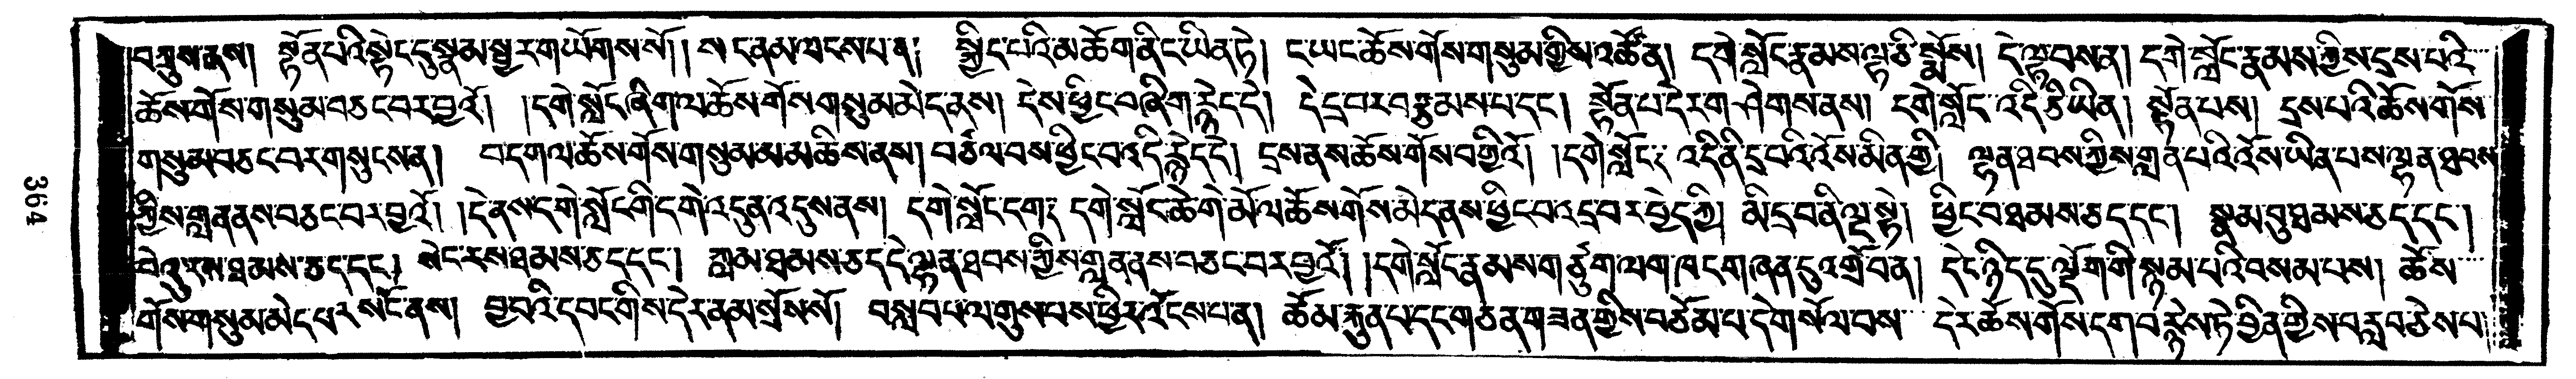བཀྲུས་ནས། སྟོན་པའི་སྟེང་དུ་སྣམ་སྦྱར་གཡོགས་སོ། །སང་ནམ་ལངས་པ་ན༑ སྐྱིད་པའི་མཆོག་ནི་ང་ཡིན་ཏེ། ང་ཡང་ཆོས་གོས་གསུམ་གྱིས་འཚོན། དགེ་སློང་རྣམས་ལྟ་ཅི་སྨོས། དེ་ལྟ་བས་ན། དགེ་སློང་རྣམས་ཀྱིས་དྲས་པའི་
ཆོས་གོས་གསུམ་བཅང་བར་བྱའོ། །དགེ་སློང་ཞིག་ལ་ཆོས་གོས་གསུམ་མེད་ནས། དེས་ཕྱིང་བཞིང་རྙེད་དེ། དེ་དྲ་བར་བརྩམས་པ་དང་། སྟོན་པ་དེར་གཤེགས་ནས། དགེ་སློང་འདི་ཅི་ཡིན། སྟོན་པས། དྲས་པའི་ཆོས་གོས་
གསུམ་བཅང་བར་གསུངས་ན། བ་དག་ལ་ཆོས་གོས་གསུམ་མ་མཆིས་ནས། བཙལ་བས་ཕྱིང་བ་འདི་རྙེད་དེ། དྲས་ནས་ཆོས་གོས་བགྱིའོ། །དགེ་སློང༑ འདི་ནི་དྲ་བའི་འོས་མིན་གྱི། ལྷན་ཐབས་ཀྱིས་གླན་པའི་འོས་ཡིན་པས་ལྷན་ཐབས་
ཀྱིས་གླན་ནས་བཅང་བར་བྱའོ། །དེ་ནས་དགེ་སློང་གི་དགེ་འདུན་འདུས་ནས། དགེ་སློང་དག༑ དགེ་སློང་ཆེ་གེ་མོ་ལ་ཆོས་གོས་མེད་ནས་ཕྱིང་བ་འདྲ་བར་བྱེད་ཀྱི། མི་དྲ་བ་ནི་ལྔ་སྟེ། ཕྱིང་བ་ཐམས་ཅད་དང་། སྣམ་བུ་ཐམས་ཅད་དང་།
བེའུ་རས་ཐམས་ཅད་དང་། སེང་རས་ཐམས་ཅད་དང་། ཀླམ་ཐམས་ཅད་དེ་ལྷན་ཐབས་ཀྱིས་གླན་ནས་བཅང་བར་བྱའོ། །དགེ་སློང་རྣམས་གཙུག་ལག་ཁང་གཞན་དུ་འགྲོ་བ་ན། དེང་ཉིད་དུ་ལྡོག་གི་སྙམ་པའི་བསམ་པས། ཆོས་
གོས་གསུམ་མེད་པར་སོང་ནས། བྱ་བའི་དབང་གིས་དེར་ནམ་སྲོས་སོ། བསླབ་པ་ལ་གུས་པས་ཕྱིར་འོངས་པ་ན། ཆོམ་རྐུན་པ་དང་གཅན་གཟན་གྱིས་བཅོམ་པ་དེ་གསོལ་བས་དེར་ཆོས་གོས་དག་བརྙེས་ཏེ་བྱིན་གྱིས་བརླབ་ཅེས་པ།